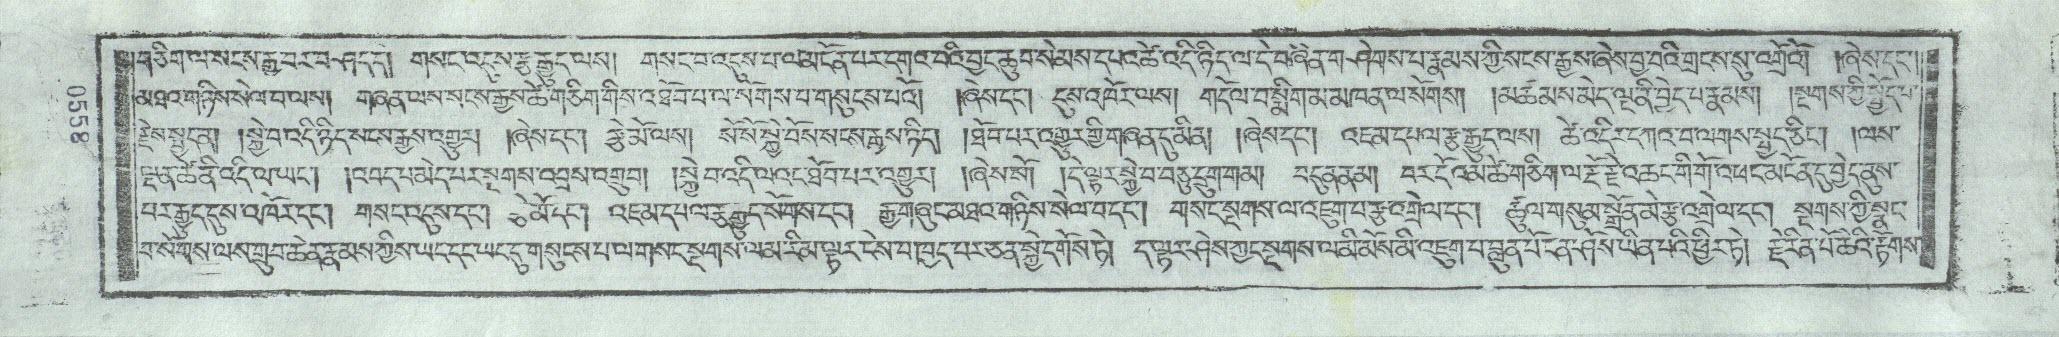གཅིག་ལ་སངས་རྒྱ་བར་བཤད་དེ། གསང་འདུས་རྩ་རྒྱུད་ལས། གསང་བ་འདུས་པ་ལ་མངོན་པར་དགའ་བའི་བྱང་ཆུབ་སེམས་དཔའ་ཚེ་འདི་ཉིད་ལ་དེ་བཞིན་གཤེགས་པ་རྣམས་ཀྱི་སངས་རྒྱས་ཞེས་བྱ་བའི་གྲངས་སུ་འགྲོའོ། །ཞེས་དང་།
མཐའ་གཉིས་སེལ་བ་ལས། གཞན་ལས་སངས་རྒྱས་ཚེ་གཅིག་གིས་འཐོབ་པ་ལ་སོགས་པ་གསུངས་པའོ། །ཞེས་དང་། དུས་འཁོར་ལས། གདོལ་བ་སྨིག་མ་མཁན་ལ་སོགས། །མཚམས་མེད་ལྔ་ནི་བྱེད་པ་རྣམས། །སྔགས་ཀྱི་སྤྱོད་པ་
རྗེས་སྤྱད་ན། །སྐྱེ་བ་འདི་ཉིད་སངས་རྒྱས་འགྱུར། །ཞེས་དང་། རྩེ་མོ་ལས། སོ་སོ་སྐྱེ་བོས་སངས་རྒྱས་ཉིད། །ཐོབ་པར་འགྱུར་གྱི་གཞན་དུ་མིན། །ཞེས་དང་། འཇམ་དཔལ་རྩ་རྒྱུད་ལས། ཚེ་འདིར་དཀའ་བ་ལགས་སྤྱད་ཅིང་། །ལས་
ལྡན་ཚེ་ནི་འདི་ལ་ཡང་། །འབད་པ་མེད་པར་སྔགས་འབྲས་འགྲུབ། །སྐྱེ་བ་འདི་ལའང་ཐོབ་པར་འགྱུར། །ཞེས་སོ། །དེ་ལྟར་སྐྱེ་བ་བཅུ་དྲུག་གམ། བདུན་ནམ། བར་དོའམ་ཚེ་གཅིག་ལ་རྡོ་རྗེ་འཆང་གི་གོ་འཕང་མངོན་དུ་བྱེད་ནུས་
པར་རྒྱུད་དུས་འཁོར་དང་། གསང་འདུས་དང་། རྩེ་མོ་དང་། འཇམ་དཔལ་རྩ་རྒྱུད་སོགས་དང་། རྒྱ་གཞུང་མཐའ་གཉིས་སེལ་བ་དང་། གསང་སྔགས་ལ་འཇུག་པ་རྩ་འགྲེལ་དང་། ཚུལ་གསུམ་སྒྲོན་མེ་རྩ་འགྲེལ་དང་། སྔགས་ཀྱི་སྣང་
བ་སོགས་ལས་གྲུབ་ཆེན་རྣམས་ཀྱིས་ཡང་དང་ཡང་དུ་གསུངས་པ་ལ་གསང་སྔགས་ལམ་རིམ་ལྟར་ངེས་པ་ཁྱད་པར་ཅན་སྐྱེ་དགོས་ཏེ། ད་ལྟར་ཤེས་ཀྱང་སྔགས་ལ་མི་མོས་མི་འཇུག་པ་བླུན་པོ་ངན་ཤོས་ཡིན་པའི་ཕྱིར་ཏེ། རྗེ་རིན་པོ་ཆེའི་རྟོགས་